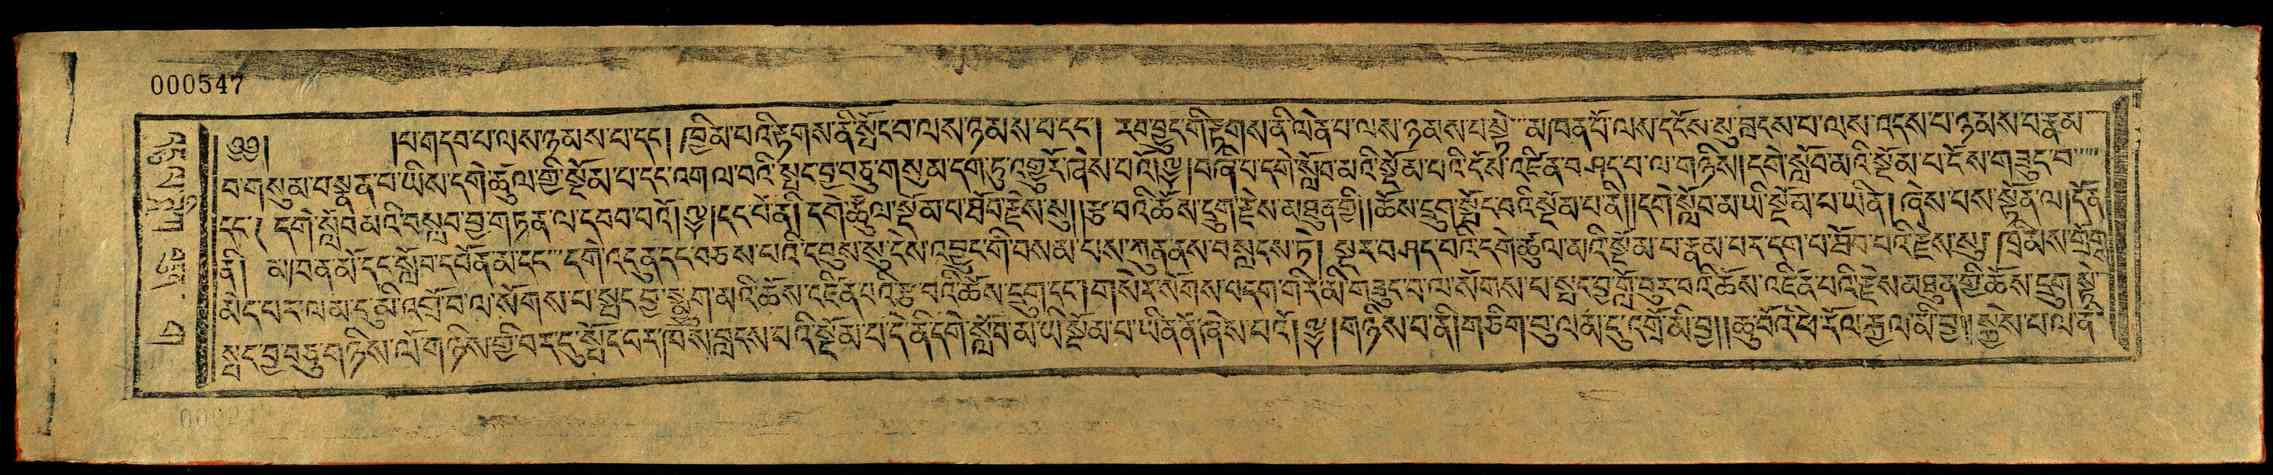༄༅། །བ་གདབ་པ་ལས་ཉམས་པ་དང་། ཁྱིམ་པའི་རྟགས་ནི་སྤོང་བ་ལས་ཉམས་པ་དང་། རབ་བྱུང་གི་རྟགས་ནི་ལེན་པ་ལས་ཉམས་པ་སྟེ་མཁན་པོ་ལས་དངོས་སུ་བླངས་པ་ལས་འདས་པ་ཉམས་པ་རྣམ་
པ་གསུམ་བསྣན་པ་ཡིས་དགེ་ཚུལ་གྱི་སྡོམ་པ་དང་འགལ་བའི་སྤང་བྱ་བཅུ་གསུམ་དག་ཏུ་འགྱུར་རོ་ཞེས་པའོ། ༈ །བཞི་པ་དགེ་སློབ་མའི་སྡོམ་པའི་ངོས་འཛིན་བཤད་པ་ལ་གཉིས། དགེ་སློབ་མའི་སྡོམ་པ་ངོས་གཟུང་བ་
དང་། དགེ་སློབ་མའི་བསླབ་བྱ་གཏན་ལ་དབབ་པའོ། ༈ །དང་པོ་ནི། དགེ་ཚུལ་སྡོམ་པ་ཐོབ་རྗེས་སུ། །རྩ་བའི་ཆོས་དྲུག་རྗེས་མཐུན་གྱི། །ཆོས་དྲུག་སྤོང་བའི་སྡོམ་པ་ནི། །དགེ་སློབ་མ་ཡི་སྡོམ་པ་ཡིན། ཞེས་པས་སྟོན་ལ། དོན་
ནི། མཁན་མོ་དང་སློབ་དཔོན་མ་དང་དགེ་འདུན་དང་བཅས་པའི་དབུས་སུ་ངེས་འབྱུང་གི་བསམ་པས་ཀུན་ནས་བསླངས་ཏེ། སྔར་བཤད་པའི་དགེ་ཚུལ་མའི་སྡོམ་པ་རྣམ་པར་དག་པ་ཐོབ་པའི་རྗེས་སུ། ཁྲིམས་གྲོགས་
མེད་པར་ལམ་དུ་མི་འགྲོ་བ་ལ་སོགས་པ་སྤང་བྱ་སྨྱུག་མའི་ཆོས་འཛིན་པའི་རྩ་བའི་ཆོས་དྲུག་དང་། གསེར་སོགས་བདག་གིར་མི་གཟུང་བ་ལ་སོགས་པ་སྤང་བྱ་གློ་བུར་བའི་ཆོས་འཛིན་པའི་རྗེས་མཐུན་གྱི་ཆོས་དྲུག་སྟེ་
སྤང་བྱ་བཅུ་གཉིས་ལོ་གཉིས་ཀྱི་བར་དུ་སྤོང་བར་ཁས་བླངས་པའི་སྡོམ་པ་དེ་ནི་དགེ་སློབ་མ་ཡི་སྡོམ་པ་ཡིན་ནོ་ཞེས་པའོ། ༈ །གཉིས་པ་ནི། གཅིག་པུ་ལམ་དུ་འགྲོ་མི་བྱ། །ཆུ་བོའི་ཕ་རོལ་རྒྱལ་མི་བྱ། །སྐྱེས་པ་ལ་ནི་